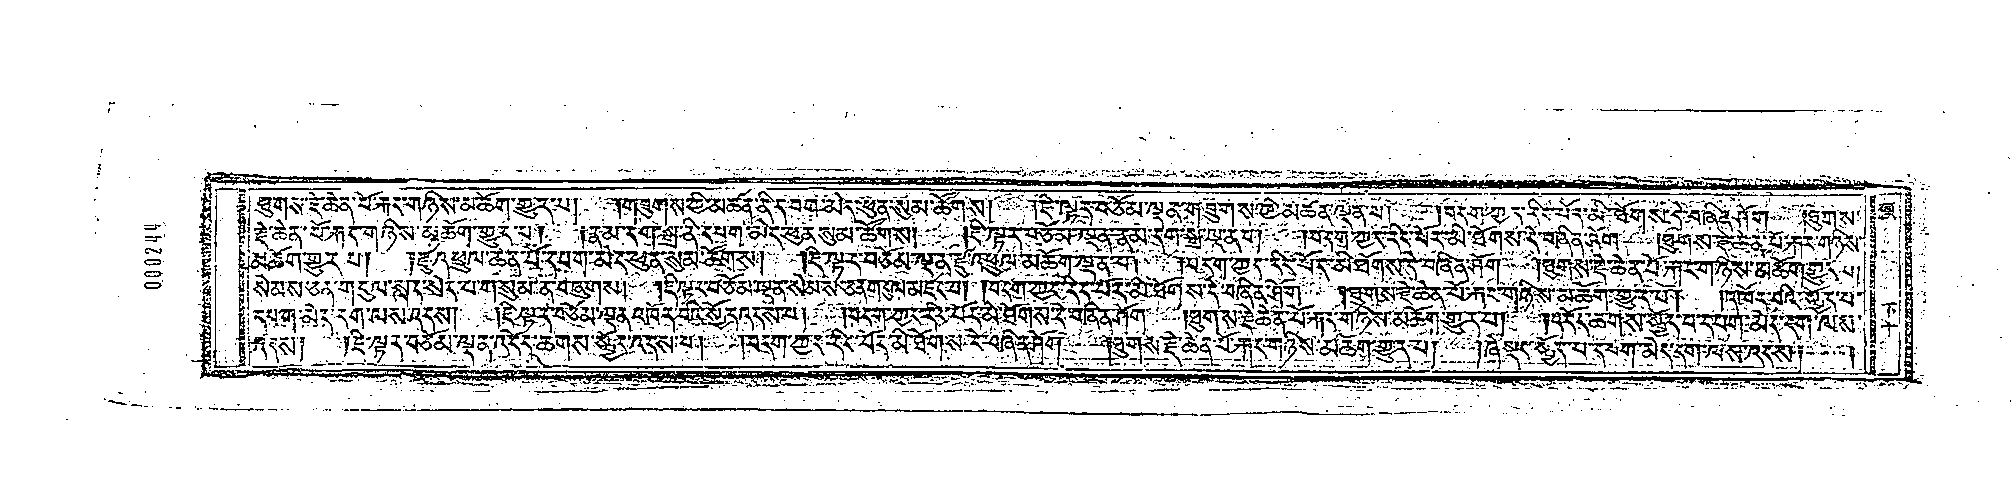ཐུགས་རྗེ་ཆེན་པོ་རྐང་གཉིས་མཆོག་གྱུར་པ། །གཟུགས་ཀྱི་མཚན་ནི་དཔག་མེད་ཕུན་སུམ་ཚོགས། །ཇི་ལྟར་བཅོམ་ལྡན་གཟུགས་ཀྱི་མཚན་ལྡན་པ། །བདག་ཀྱང་རིང་པོར་མི་ཐོགས་དེ་བཞིན་ཤོག །ཐུགས་
རྗེ་ཆེན་པོ་རྐང་གཉིས་མཆོག་གྱུར་པ། །རྣམ་དག་སྒྲ་ནི་དཔག་མེད་ཕུན་སུམ་ཚོགས། །ཇི་ལྟར་བཅོམ་ལྡན་རྣམ་དག་སྒྲ་ལྡན་པ། །བདག་ཀྱང་རིང་པོར་མི་ཐོགས་དེ་བཞིན་ཤོག །ཐུགས་རྗེ་ཆེན་པོ་རྐང་གཉིས་
མཆོག་གྱུར་པ། །རྫུ་འཕྲུལ་ཆེན་པོ་དཔག་མེད་ཕུན་སུམ་ཚོགས། །ཇི་ལྟར་བཅོམ་ལྡན་རྫུ་འཕྲུལ་མཆོག་ལྡན་པ། །བདག་ཀྱང་རིང་པོར་མི་ཐོགས་དེ་བཞིན་ཤོག །ཐུགས་རྗེ་ཆེན་པོ་རྐང་གཉིས་མཆོག་གྱུར་པ།
སེམས་ཅན་གདུལ་སླད་སྲིད་པ་གསུམ་ན་བཞུགས། །ཇི་ལྟར་བཅོམ་ལྡན་སེམས་ཅན་གདུལ་མཛད་པ། །བདག་ཀྱང་རིང་པོར་མི་ཐོགས་དེ་བཞིན་ཤོག །ཐུགས་རྗེ་ཆེན་པོ་རྐང་གཉིས་མཆོག་གྱུར་པ། །འཁོར་བའི་སྤྱོད་པ་
དཔག་མེད་དག་ལས་འདས། །ཇི་ལྟར་བཅོམ་ལྡན་འཁོར་བའི་སྤྱོད་འདས་པ། །བདག་ཀྱང་རིང་པོར་མི་ཐོགས་དེ་བཞིན་ཤོག །ཐུགས་རྗེ་ཆེན་པོ་རྐང་གཉིས་མཆོག་གྱུར་པ། །འདོད་ཆགས་སྤྱོད་པ་དཔག་མེད་དག་ལས་
འདས། །ཇི་ལྟར་བཅོམ་ལྡན་འདོད་ཆགས་སྤྱོད་འདས་པ། །བདག་ཀྱང་རིང་པོར་མི་ཐོགས་དེ་བཞིན་ཤོག །ཐུགས་རྗེ་ཆེན་པོ་རྐང་གཉིས་མཆོག་གྱུར་པ། །ཞེ་སྡང་སྤྱོད་པ་དཔག་མེད་དག་ལས་འདས། །